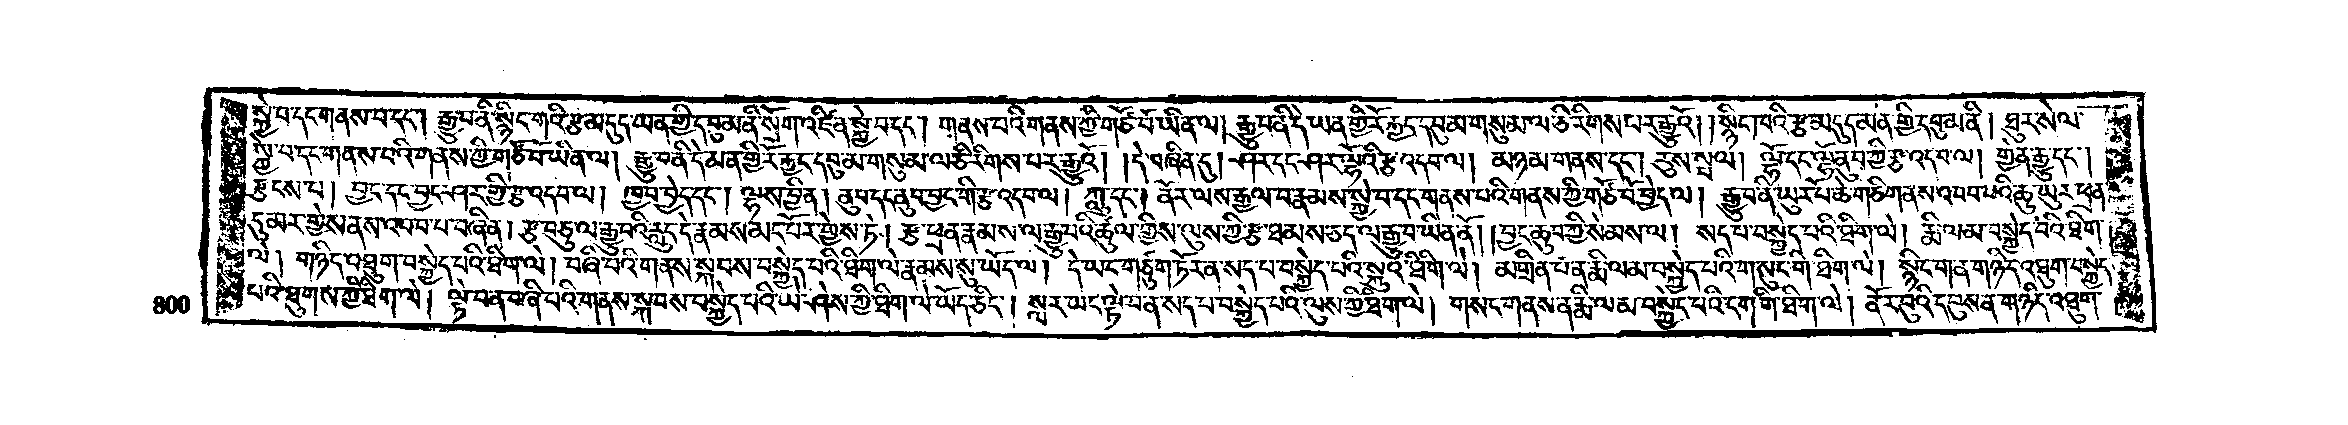སྐྱེ་བ་གནས་པ་དང་། རྒྱུ་བ་ནི་སྙིང་གའི་རྩ་མདུད་ཡན་གྱི་དབུ་མ་ནི་སྲོག་འཛིན་སྐྱེ་བ་དང་། གནས་པའི་གནས་ཀྱི་གཙོ་བོ་ཡིན་ལ། རྒྱུ་བ་ནི་དེ་ཡན་གྱི་རོ་རྐྱང་དབུ་མ་གསུམ་ལ་ཅི་རིགས་པར་རྒྱུའོ། །སྙིང་ཁའི་རྩ་མདུད་མན་གྱི་དབུ་མ་ནི། ཐུར་སེལ་
སྐྱེ་བ་དང་གནས་པའི་གནས་ཀྱི་གཙོ་བོ་ཡིན་ལ། རྒྱུ་བ་ནི་དེ་མན་གྱི་རོ་རྐྱང་དབུ་མ་གསུམ་ལ་ཅི་རིགས་པར་རྒྱུའོ། །དེ་བཞིན་དུ། ཤར་དང་ཤར་ལྷོའི་རྩ་འདབ་ལ། མཉམ་གནས་དང་། རུས་སྤལ། ལྷོ་དང་ལྷོ་ནུབ་ཀྱི་རྩ་འདབ་ལ། གྱེན་རྒྱུ་དང་།
རྩངས་པ། བྱང་དང་བྱང་ཤར་གྱི་རྩ་འདབ་ལ། ཁྱབ་བྱེད་དང་། ལྷས་བྱིན། ནུབ་དང་ནུབ་བྱང་གི་རྩ་འདབ་ལ། ཀླུ་དང་། ནོར་ལས་རྒྱལ་བ་རྣམས་སྐྱེ་བ་དང་གནས་པའི་གནས་ཀྱི་གཙོ་བོ་བྱེད་ལ། རྒྱུ་བ་ནི་ཡུར་པོ་ཆེ་གཅིག་ནས་འབབ་པའི་ཆུ་ཡུར་ཕྲན་
དུ་མར་གྱེས་ནས་འབབ་པ་བཞིན། རྩ་བཅུ་ལ་རྒྱུ་བའི་རླུང་དེ་རྣམས་མང་པོར་གྱེས་ཏེ། རྩ་ཕྲན་རྣམས་ལ་རྒྱུ་བའི་ཚུལ་གྱིས་ལུས་ཀྱི་རྩ་ཐམས་ཅད་ལ་རྒྱུ་བ་ཡིན་ནོ། །བྱང་ཆུབ་ཀྱི་སེམས་ལ། སད་པ་བསྐྱེད་པའི་ཐིག་ལེ། རྨི་ལམ་བསྐྱེད་པའི་ཐིག་
ལེ། གཉིད་འཐུག་བསྐྱེད་པའི་ཐིག་ལེ། བཞི་པའི་གནས་སྐབས་བསྐྱེད་པའི་ཐིག་ལེ་རྣམས་སུ་ཡོད་ལ། དེ་ཡང་གཙུག་ཏོར་ན་སད་པ་བསྐྱེད་པའི་སྐུའི་ཐིག་ལེ། མགྲིན་པ་ན་རྨི་ལམ་བསྐྱེད་པའི་གསུང་གི་ཐིག་ལེ། སྙིང་ག་ན་གཉིད་འཐུག་བསྐྱེད་
པའི་ཐུགས་ཀྱི་ཐིག་ལེ། ལྟེ་བ་ན་བཞི་པའི་གནས་སྐབས་བསྐྱེད་པའི་ཡེ་ཤེས་ཀྱི་ཐིག་ལེ་ཡོད་ཅིང་། སླར་ཡང་ལྟེ་བ་ན་སད་པ་བསྐྱེད་པའི་ལུས་ཀྱི་ཐིག་ལེ། གསང་གནས་ན་རྨི་ལམ་བསྐྱེད་པའི་ངག་གི་ཐིག་ལེ། ནོར་བུའི་དབུས་ན་གཉིད་འཐུག་